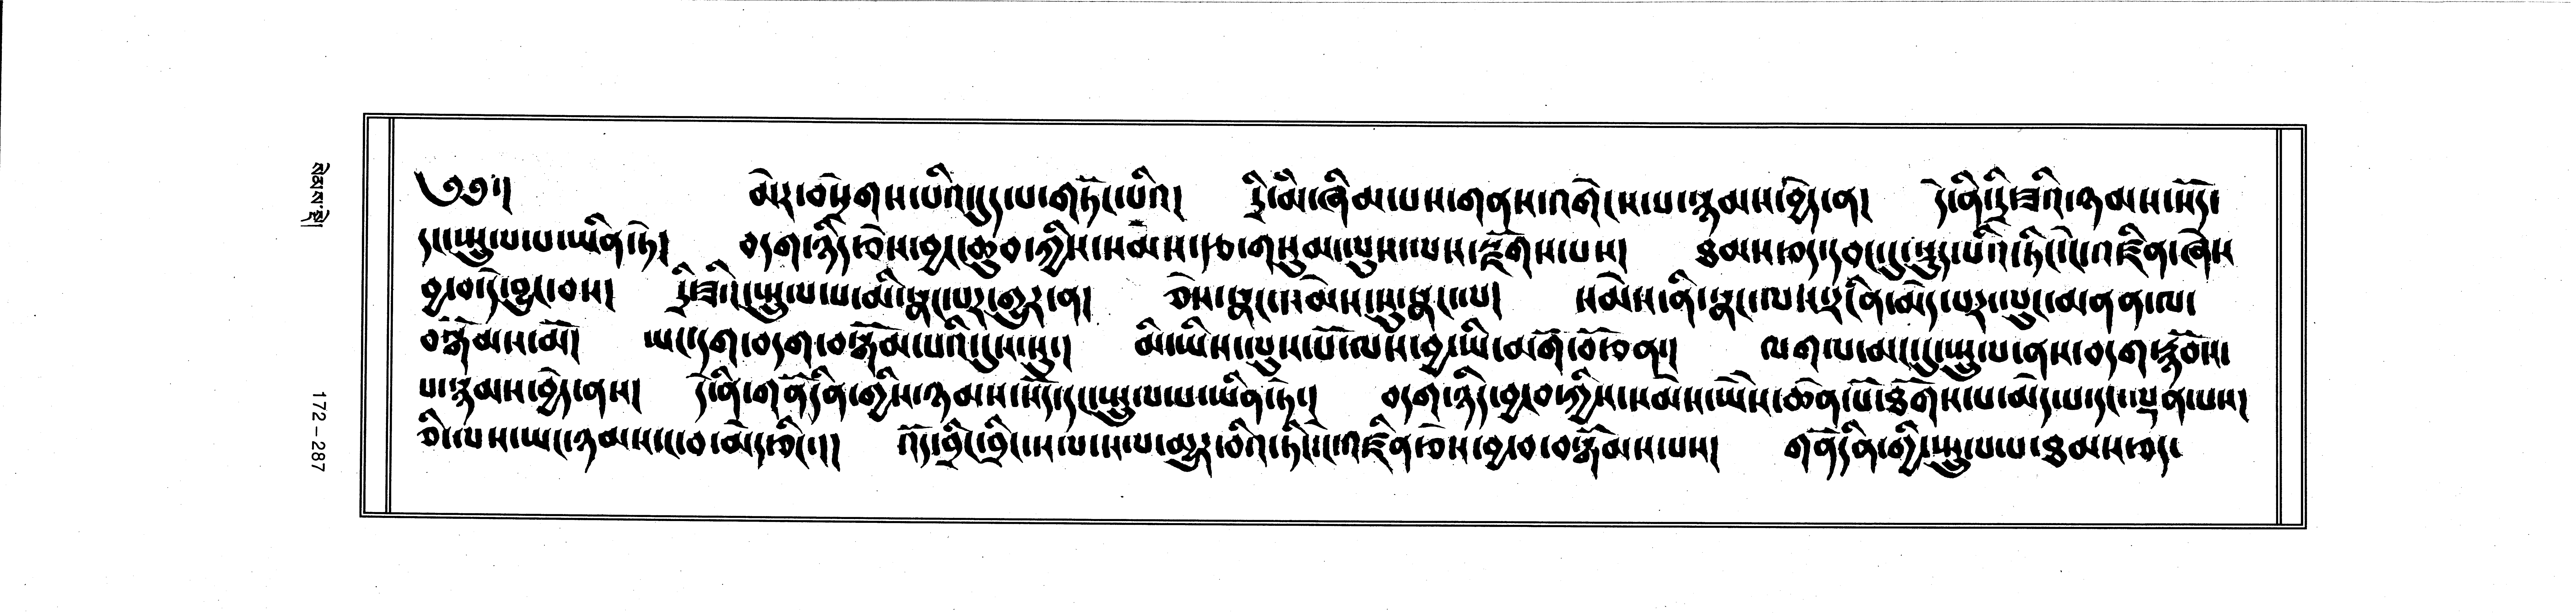མེར་བསྲེགས་པའི་དུད་པ་གཏོང་པའི། དྲི་མི་ཞིམ་པས་གནས་འགེངས་པ་སྙམས་བྱེད་ན། དེ་ནི་དྲི་ཟའི་ཉམས་སོད་
དང་སྤྲུལ་པ་ཡིན་ཏེ། བདག་ཉིད་ཅེས་བྱང་ཆུབ་ཀྱིས་སེམས་རྩ་གསུམ་ལུས་ལས་རྫོགས་པས། ཐམས་ཅད་དབང་དུ་སྡུད་པའི་ཏིང་ངེ་འཛིན་ཞེས་
བྱ་བ་དེ་བྱུང་བས། དྲི་ཟའི་སྤྲུལ་པ་མི་སྣང་པར་གྱུར་ན། ཅེས་སྣང་སེམས་སུ་སྣང་ལ། སེམས་ནི་སྣང་ལས་རང་བཞིན་མེད་པར་ལུང་མནན་ལ་
བསྒོམས་མོ། ཡང་དག་བདག་བསྒོམ་པའི་དུས་སུ། མི་ཡིས་ལུས་པོ་ལས་བྱ་ཡི་མགོ་བོ་ཅན། ལག་པ་མང་དུ་སྤྲུལ་ནས་བདག་རྙོབས་
པ་སྙམས་བྱེད་ནས། དེ་ནི་གནོད་སྦྱིན་གྱིས་ཉམས་སོད་དང་སྤྲུལ་པ་ཡིན་ཏེ། བདག་ཉིད་བྱང་ཆུབ་ཀྱིས་སེམས་ཡེ་ཤེས་ཆེན་པོ་ཐོགས་པ་མེད་པ་དང་ལྡན་པས། 
ཅི་ལས་ཡང་ཉམས་ང་བ་མེད་ཅིང་། འོད་བྲིང་བྲིང་སལ་སལ་མྱུར་བའི་ཏིང་ངེ་འཛིན་ཅེས་བྱ་བ་བསྒོམས་པས། གནོད་སྦྱིན་གྱི་སྤྲུལ་པ་ཐམས་ཅད་